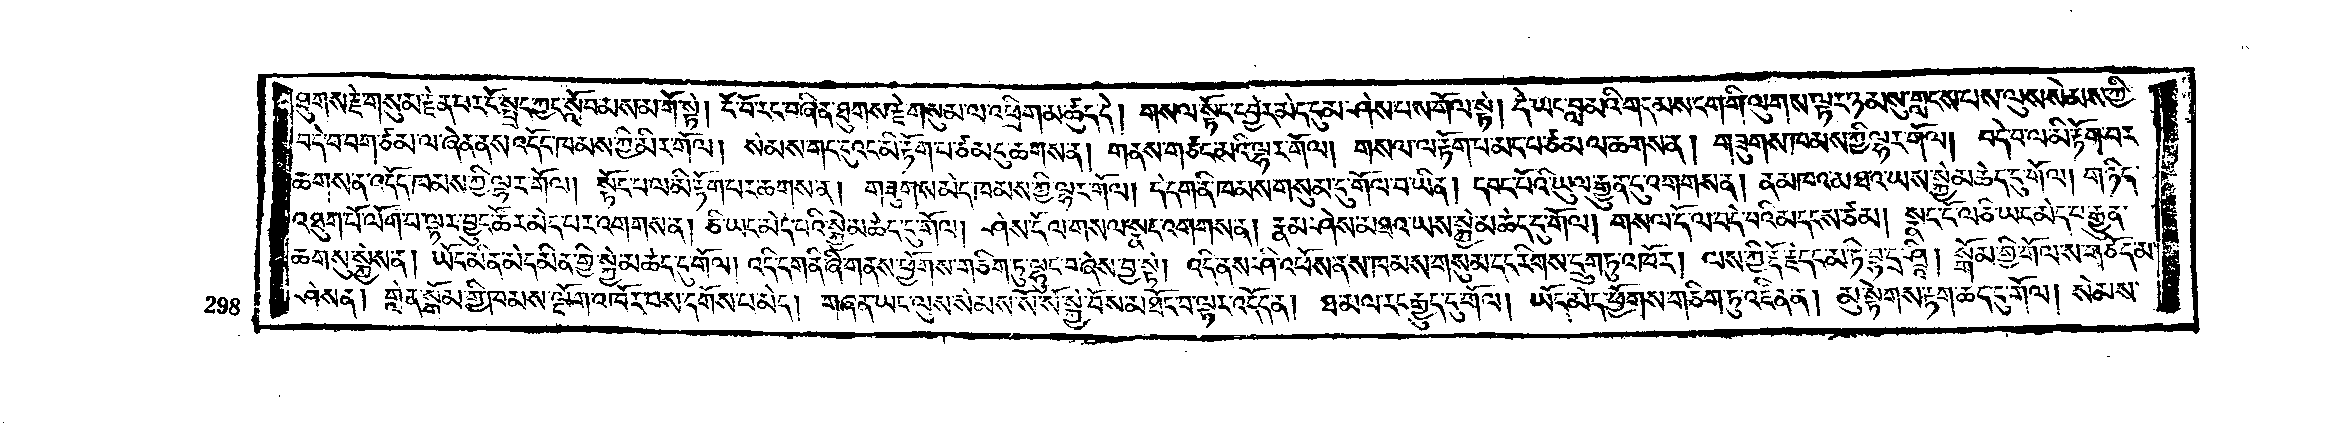ཐུགས་རྗེ་གསུམ་རྗེན་པར་ངོ་སྤྲད་ཀྱང་སློབ་མས་མ་གོ་སྟེ། ངོ་བོ་རང་བཞིན་ཐུགས་རྗེ་གསུམ་ལ་འཕྲིག་མ་ཚུད་དེ། གསལ་སྟོང་དབྱེར་མེད་དུ་མ་ཤེས་པས་གོལ་སྟེ། དེ་ཡང་བླ་མའི་གདམས་ངག་གི་ལུགས་ལྟར་ཉམས་སུ་གླངས་པས་ལུས་སེམས་ཀྱི་
བདེ་བ་བག་ཙམ་ལ་ཞེན་ནས་འདོང་ཁམས་ཀྱི་མིར་གོལ། སེམས་གང་དུའང་མི་རྟོག་པ་ཙམ་དུ་ཆགས་ན། གནས་གཙང་མའི་ལྷར་གོལ། གསལ་ལ་རྟོག་པ་མང་པ་ཙམ་ལ་ཆགས་ན། གཟུགས་ཁམས་ཀྱི་ལྷར་གོལ། བདེ་བ་ལ་མི་རྟོག་པར་
ཆགས་ན་འདོད་ཁམས་ཀྱི་ལྷར་གོལ། སྟོང་པ་ལ་མི་རྟོག་པར་ཆགས་ན། གཟུགས་མེད་ཁམས་ཀྱི་ལྷར་གོལ། དེ་དག་ནི་ཁམས་གསུམ་དུ་གོལ་བ་ཡིན། དབང་པོའི་ཡུལ་རྒྱུན་དུ་འགགས་ན། ནམ་མཁའ་མཐའ་ཡས་སྐྱེ་མཆེད་དུ་གོལ། གཉིད་
འཐུག་པོ་ལོག་པ་ལྟར་བྱུང་ཚོར་མེད་པར་འགགས་ན། ཅི་ཡང་མེད་པའི་སྐྱེ་མཆེད་དུ་གོལ། ཤེས་དོ་ལ་གསལ་སྣང་འགགས་ན། རྣམ་ཤེས་མཐའ་ཡས་སྐྱེ་མཆེད་དུ་གོལ། གསལ་དོ་ལ་བདེ་བའི་མདངས་ཙམ། སྣང་ངོ་ལ་ཅི་ཡང་མེད་པ་རྒྱུན་
ཆགས་སུ་སྐྱེས་ན། ཡོད་མིན་མེད་མིན་གྱི་སྐྱེ་མཆེད་དུ་གོལ། འདི་དག་ནི་ཞི་གནས་ཕྱོགས་གཅིག་ཏུ་ལྷུང་བ་ཞེས་བྱ་སྟེ། འདི་ནས་ཤི་འཕོས་ནས་ཁམས་གསུམ་དང་རིགས་དྲུག་ཏུ་འཁོར། ལས་ཀྱི་རྡོ་རྗེ་དང་མ་ཏི་བྷ་དྲ་ཤྲཱི། སྒོམ་གྱི་གོལ་ས་གཅོད་མ་
ཤེས་ན། གླེན་སྒོམ་གྱི་ཁམས་ལྡོག་འཁོར་བས་དགོས་པ་མེད། གཞན་ཡང་ལུས་སེམས་སོ་སོ་སྐྱེ་བོས་མཐོང་བ་ལྟར་འདོད་ན། ཐ་མལ་རང་རྒྱུད་དུ་གོལ། ཡོད་མེད་ཕྱོགས་གཅིག་ཏུ་འཛིན་ན། མུ་སྟེགས་རྟག་ཆད་དུ་གོལ། སེམས་